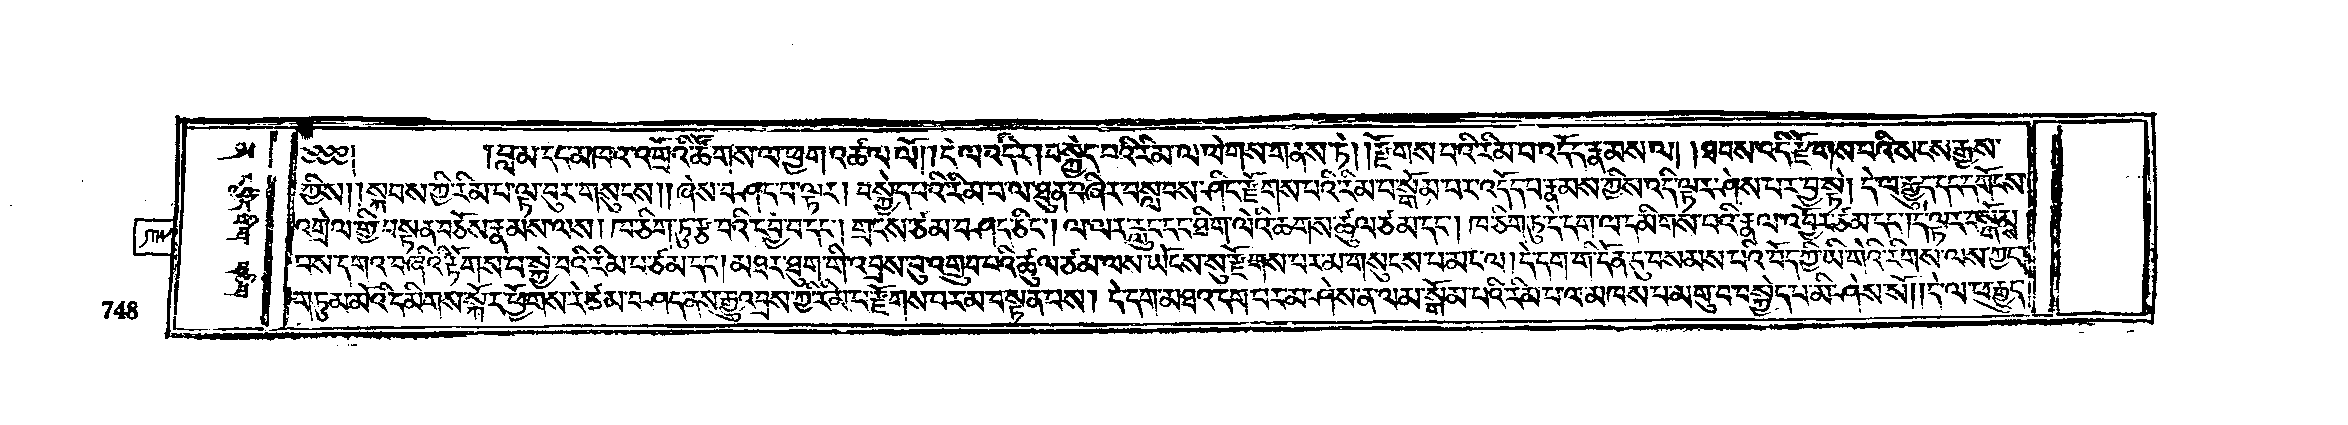༄༅༅། །བླ་མ་དང་མཁའ་འགྲོའི་ཚོགས་ལ་ཕྱག་འཚལ་ལོ། །དེ་ལ་འདིར། བསྐྱེད་པའི་རིམ་ལ་ལེགས་གནས་ཏེ། །རྫོགས་པའི་རིམ་པ་འདོད་རྣམས་ལ། །ཐབས་འདི་རྫོགས་པའི་སངས་རྒྱས་
ཀྱིས། །སྐབས་ཀྱི་རིམ་པ་ལྟ་བུར་གསུངས། །ཞེས་བཤད་པ་ལྟར། བསྐྱེད་པའི་རིམ་པ་ལ་ཐུན་བཞིར་བསླབས་ཤིང་རྫོགས་པའི་རིམ་པ་སྒོམ་པར་འདོད་པ་རྣམས་ཀྱིས་འདི་ལྟར་ཤེས་པར་བྱ་སྟེ། དེ་ལ་རྒྱུད་དང་དགོངས་
འགྲེལ་གྱི་བསྟན་བཅོས་རྣམས་ལས། ཁ་ཅིག་ཏུ་རྩ་བའི་དབྱེ་བ་དང་། གྲངས་ཙམ་བཤད་ཅིང་། ལ་ལར་རླུང་དང་ཐིག་ལེའི་ཆགས་ཚུལ་ཙམ་དང་། ཁ་ཅིག་ཏུ་དེ་དག་ལ་དམིགས་པའི་རྣལ་འབྱོར་ཙམ་དང་། དེ་ལྟར་བསྒོམས་
པས་དགའ་བཞིའི་རྟོགས་པ་སྐྱེ་བའི་རིམ་པ་ཙམ་དང་། མཐར་ཐུག་གི་འབྲས་བུ་འགྲུབ་པའི་ཚུལ་ཙམ་ལས་ཡོངས་སུ་རྫོགས་པར་མ་གསུངས་པ་མང་ལ། དེ་དག་གི་དོན་དུ་བསམས་པའི་བོད་ཀྱི་ཡི་གེའི་རིགས་ལས་ཀྱང་
གཏུམ་མོའི་དམིགས་སྐོར་ཕྱོགས་རེ་ཙམ་བཤད་ནས་རྒྱུ་འབྲས་ཀྱི་རིམ་པ་རྫོགས་པར་མ་བསྟན་པས། དེ་དག་མཐའ་དག་པར་མ་ཤེས་ན་ལམ་སྒོམ་པའི་རིམ་པ་ལ་མཁས་པ་མགུ་བ་བསྐྱེད་པ་མི་ཤེས་སོ། །དེ་ལ་ཕ་རྒྱུད་